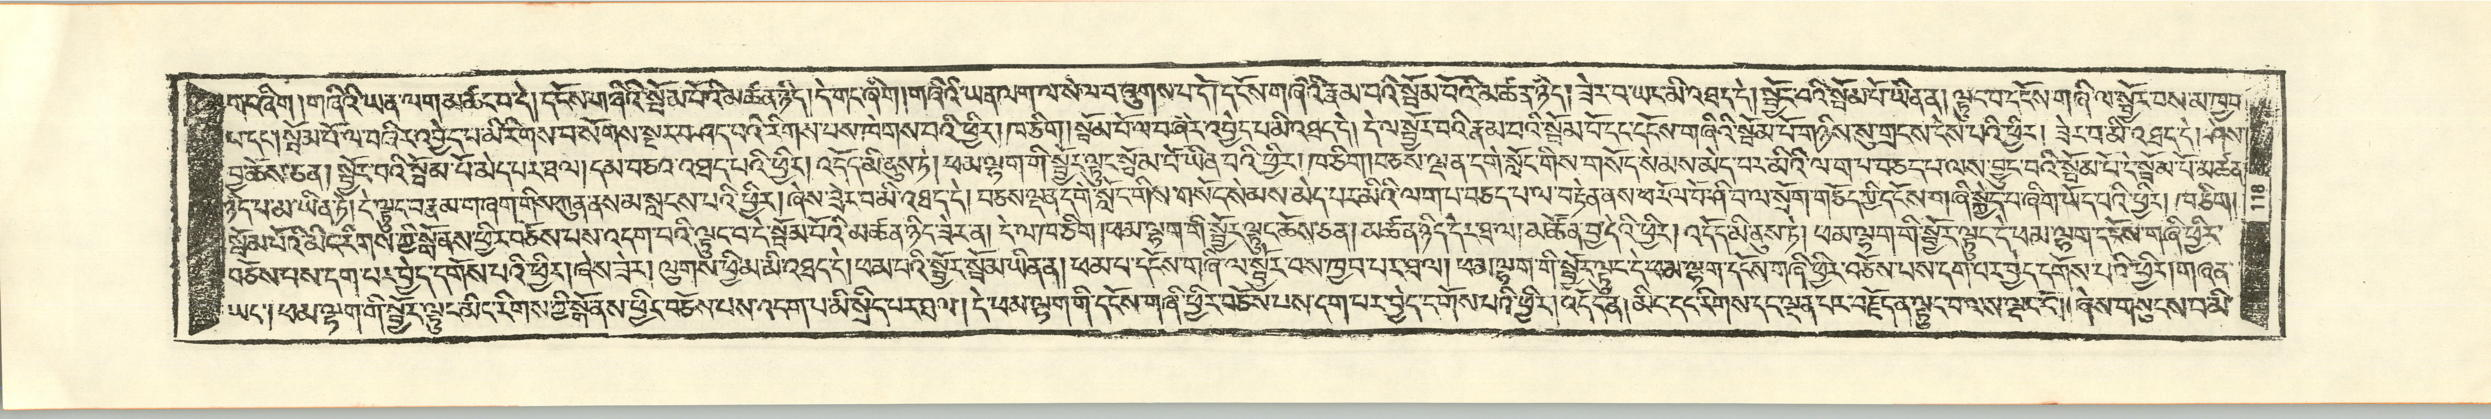གང་ཞིག །གཞིའི་ཡན་ལག་མཚང་བ་དེ། དངོས་གཞིའི་སྦོམ་པོའི་མཚན་ཉིད། དེ་གང་ཞིག །གཞིའི་ཡན་ལག་ལ་སེལ་བཞུགས་པ་དེ། དངོས་གཞིའི་རྣམ་པའི་སྦོམ་པོའི་མཚན་ཉིད། ཟེར་བ་ཡང་མི་འཐད་དེ། སྦྱོར་བའི་སྦོམ་པོ་ཡིན་ན། ལྟུང་བ་དངོས་གཞི་ལ་སྦྱོར་བས་མ་ཁྱབ་
པ་དང་། སྦོམ་པོ་ལ་བཞིར་འབྱེད་པ་མི་རིགས་པ་སོགས་སྔར་བཤད་པའི་རིགས་པས་ཁེགས་པའི་ཕྱིར། ཁ་ཅིག །སྦོམ་པོ་ལ་བཞིར་འབྱེད་པ་མི་འཐད་དེ། དེ་ལ་སྦྱོར་བའི་རྣམ་པའི་སྦོམ་པོ་དང་དངོས་གཞིའི་སྦོམ་པོ་གཉིས་སུ་གྲངས་ངེས་པའི་ཕྱིར། ཟེར་བ་མི་འཐད་དེ། ཤེས་
བྱ་ཆོས་ཅན། སྦྱོར་བའི་སྦོམ་པོ་མེད་པར་ཐལ། དམ་བཅའ་འཐད་པའི་ཕྱིར། འདོད་མི་ནུས་ཏེ། ཕམ་ལྷག་གི་སྦྱོར་ལྟུང་སྦོམ་པོ་ཡིན་པའི་ཕྱིར། ཁ་ཅིག །བཅས་ལྡན་དགེ་སློང་གིས་གསོད་སེམས་མེད་པར་མིའི་ལག་པ་བཅད་པ་ལས་བྱུང་བའི་སྦོམ་པོ་དེ་སྦོམ་པོ་མཚན་
ཉིད་པ་མ་ཡིན་ཏེ། དེ་ལྟུང་བ་རྣམ་གཞག་གིས་ཀུན་ནས་མ་སླངས་པའི་ཕྱིར། ཞེས་ཟེར་བ་མི་འཐད་དེ། བཅས་ལྡན་དགེ་སློང་གིས་གསོད་སེམས་མེད་པར་མིའི་ལག་པ་བཅད་པ་ལ་བརྟེན་ནས་ཕ་རོལ་བོ་ཤི་བ་ལ་སྲོག་གཅོད་ཀྱི་དངོས་གཞི་སྐྱེད་པ་ཞིག་ཡོད་པའི་ཕྱིར། ཁ་ཅིག །
སྦོམ་པོའི་མིང་རིགས་ཀྱི་སྒོ་ནས་ཕྱིར་བཅོས་པས་འདག་པའི་ལྟུང་བ་དེ་སྦོམ་པོའི་མཚན་ཉིད་ཟེར་ན། དེ་ལ་ཁ་ཅིག །ཕམ་ལྷག་གི་སྦྱོར་ལྟུང་ཆོས་ཅན། མཚན་ཉིད་དེར་ཐལ། མཚོན་བྱ་དེའི་ཕྱིར། འདོད་མི་ནུས་ཏེ། ཕམ་ལྷག་གི་སྦྱོར་ལྟུང་དེ་ཕམ་ལྷག་དངོས་གཞི་ཕྱིར་
བཅོས་པས་དག་པར་བྱེད་དགོས་པའི་ཕྱིར། ཞེས་ཟེར། ལུགས་ཕྱི་མ་མི་འཐད་དེ། ཕམ་པའི་སྦྱོར་སྦོམ་ཡིན་ན། ཕམ་པ་དངོས་གཞི་ལ་སྦྱོར་བས་ཁྱབ་པར་ཐལ། ཕམ་ལྷག་གི་སྦྱོར་ལྟུང་དེ་ཕམ་ལྷག་དངོས་གཞི་ཕྱིར་བཅོས་པས་དག་པར་བྱེད་དགོས་པའི་ཕྱིར། གཞན་
ཡང་། ཕམ་ལྷག་གི་སྦྱོར་ལྟུང་མིང་རིགས་ཀྱི་སྒོ་ནས་ཕྱིར་བཅོས་པས་འདག་པ་མིས་རིད་པར་ཐལ། དེ་ཕམ་ལྷག་གི་དངོས་གཞི་ཕྱིར་བཅོས་པས་དག་པར་བྱེད་དགོས་པའི་ཕྱིར། འདོད་ན། མིང་དང་རིགས་དང་ལྡན་པར་བརྗོད་ན་ལྟུང་བ་ལས་ལྡང་འོ། །ཞེས་གསུངས་བ་མི་